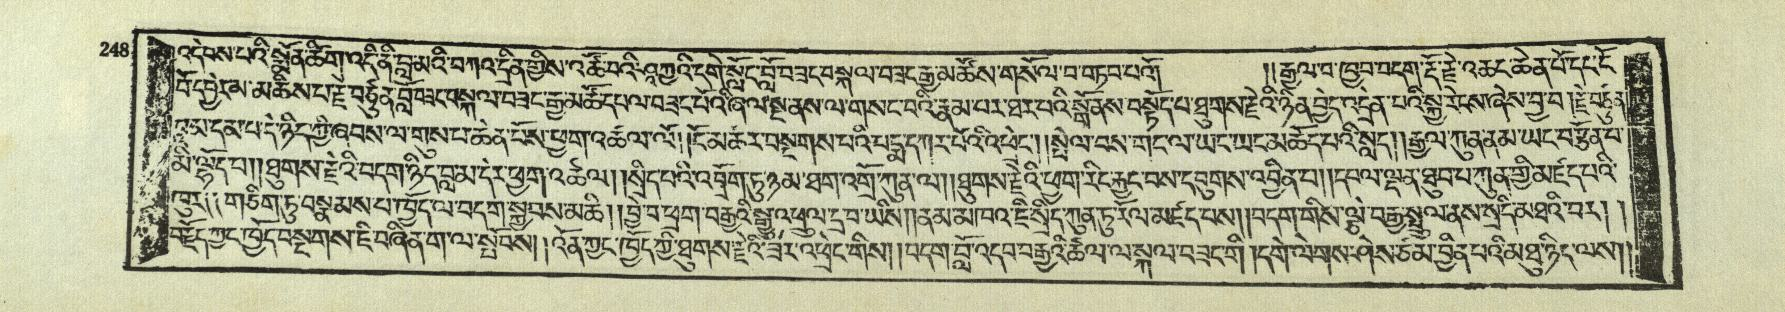འདེབས་པའི་སྨོན་ཚིག་འདི་ནི་བླ་མའི་བཀའ་དྲིན་གྱིས་འཚོ་བའི་ཤཱཀྱའི་དགེ་སློང་བློ་བཟང་བསྐལ་བཟང་རྒྱ་མཚོས་གསོལ་བ་བཏབ་པའོ། །།རྒྱལ་བ་ཁྱབ་བདག་རྡོ་རྗེ་འཆང་ཆེན་པོ་དང་ངོ་
བོ་དབྱེར་མ་མཆིས་པ་རྗེ་བཙུན་བློ་བཟང་བསྐལ་བཟང་རྒྱ་མཚོ་དཔལ་བཟང་པོའི་ཞལ་སྔ་ནས་ལ་གསང་བའི་རྣམ་པར་ཐར་པའི་སྒོ་ནས་བསྟོད་པ་ཐུགས་རྗེའི་ཉིན་བྱེད་འདྲེན་པའི་སྐྱ་རེངས་ཞེས་བྱ་བ་།རྗེ་བཙུན་
བླ་མ་དམ་པ་དེ་ཉིད་ཀྱི་ཞབས་ལ་གུས་པ་ཆེན་པོས་ཕྱག་འཚལ་ལོ། །ངོ་མཚར་བསྔགས་པའི་པདམ་དཀར་པོའི་འཕྲེང་། །སྤེལ་བས་གང་ལ་ཡང་ཡང་མཆོད་པའི་སླད། །རྒྱལ་ཀུན་ནམ་ཡང་བརྩོན་པ་
མི་ལྷོད་པ། །ཐུགས་རྗེའི་བདག་ཉིད་བླ་མ་དེར་ཕྱག་འཚལ། །སྲིད་པའི་འབྲོག་ཏུ་ཉམ་ཐག་འགྲོ་ཀུན་ལ། །ཐུགས་རྗེའི་ཕྱག་རིང་རྐྱང་བས་དབུགས་འབྱིན་པ། །དཔལ་ལྡན་ཐུབ་པ་ཀུན་གྱི་མཛད་པའི་
ཁུར༑ ༑གཅིག་ཏུ་བསྣམས་པ་ཁྱོད་ལ་བདག་སྐྱབས་མཆི། །བྱེ་བ་ཕྲག་བརྒྱའི་སྒྱུ་འཕྲུལ་དྲ་བ་ཡིས། །ནམ་མཁའ་ཇི་སྲིད་ཀུན་ཏུ་རོལ་མཛད་པས། །བདག་གིས་ལྕེ་བརྒྱ་སྤྲུལ་ནས་སྲིད་མཐའི་བར། །
བརྗོད་ཀྱང་ཁྱོད་བསྔགས་ཇི་བཞིན་ག་ལ་སྤོབས། །འོན་ཀྱང་ཁྱོད་ཀྱི་ཐུགས་རྗེའི་ཟར་འཕྲེང་གིས། །བདག་བློ་འདབ་བརྒྱའི་ཚལ་ལ་སྐལ་བཟང་གི །དགེ་ལེགས་ཤེས་ཙམ་བྱིན་པའི་མཐུ་ཉིད་ལས།།